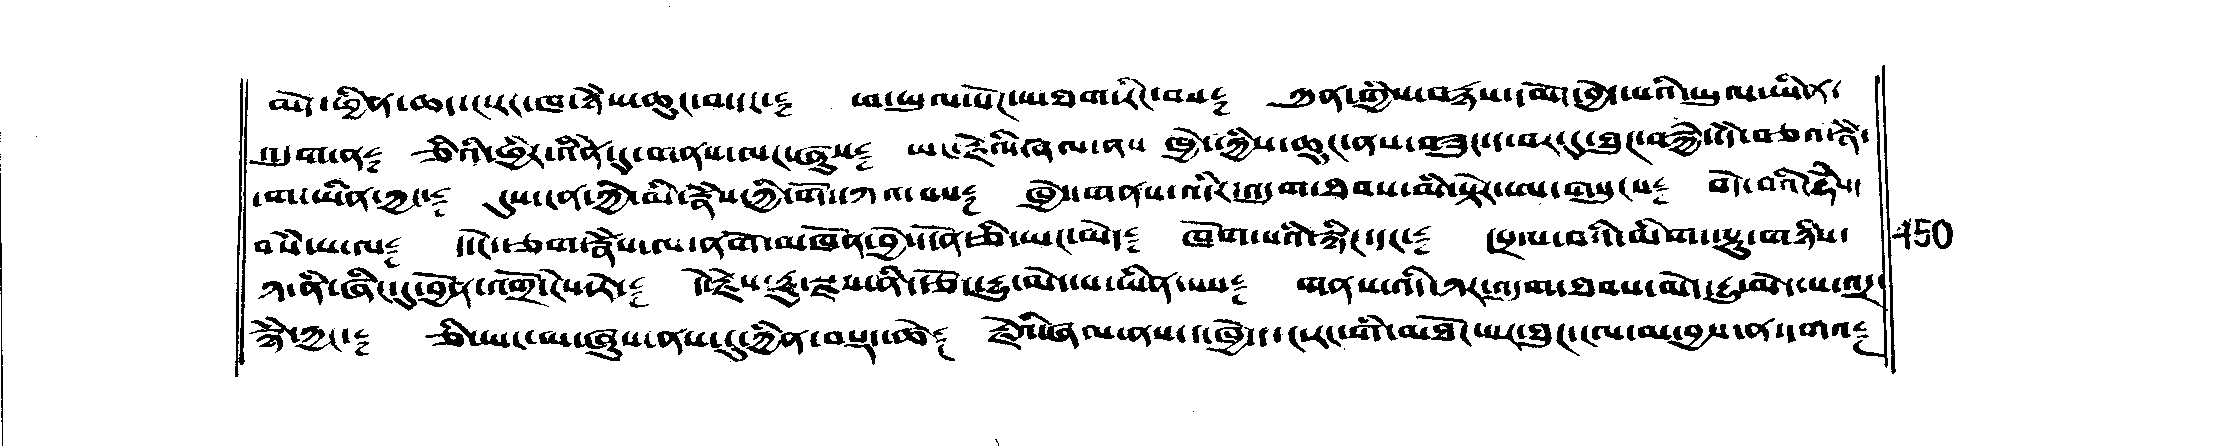མེད་ཕྱིན་ཆད་ང་རང་ཁ་ཉམས་ཆུང་བ་དང་། ཕ་ཡུལ་སོགས་ས་ཐག་རིང་བས། ཀུན་གྱིས་བརྙས་དམོད་བྱེད་པའི་ཡུལ་ཡིན་
འདུག་ན། ཅིའི་ཕྱིར་འཇིག་རྟེན་དུ་གནས་ལགས་ཞུས། ཡང་རྗེའི་ཞལ་ནས། ཁྱེད་ཀྱིས་ཆུང་ནས་བཟུང་ད་བར་དུ་ཐུགས་བསྐྱེད་དམ་བཅའ་རྣམ་
དག་ཡིན་ཀྱང་།དུས་ངན་ཀྱི་མི་རྣམས་ཀྱི་གོ་དཀའ་བས། ཁྱེད་གནས་འདིར་འདུག་ཐབས་མི་སྟེར་ཨ་གསུངས། བདེ་བའི་རྡོ་རྗེས་
བསམ་པ་ལ། ད་ངེད་ཅག་རྣམས་ལ་ནག་པོ་མཁོན་བྱེད་དོན་ཅི་ཡང་མེད། ཁོག་པའི་སྙིང་དང་། དཔྲལ་བའི་མིག་ལྟ་བུ་གཉིས་
ཀ་ནི་ཞིང་དུ་བྱོན་འགྲོ་ངེས་རེད། དེ་རྗེས་རྒྱུ་རྫས་ནི་རྩོད་རྒྱུ་མེད་པ་ཡིན་པས་། གནས་འདི་ཀར་འདུག་ཐབས་མེད་རྒྱུ་མེད་པ་འདྲ་
སྙམ་ཀྱང་། ཅི་ཡང་མ་ཞུས་ནས་ངུ་གིན་བསྡད་ཚེ། རྗེའི་ཞལ་ནས་ད་ཁྱེད་ང་རང་གི་མཐོང་སར་ཐུགས་ངལ་མ་བྱས་ན་དགའ།